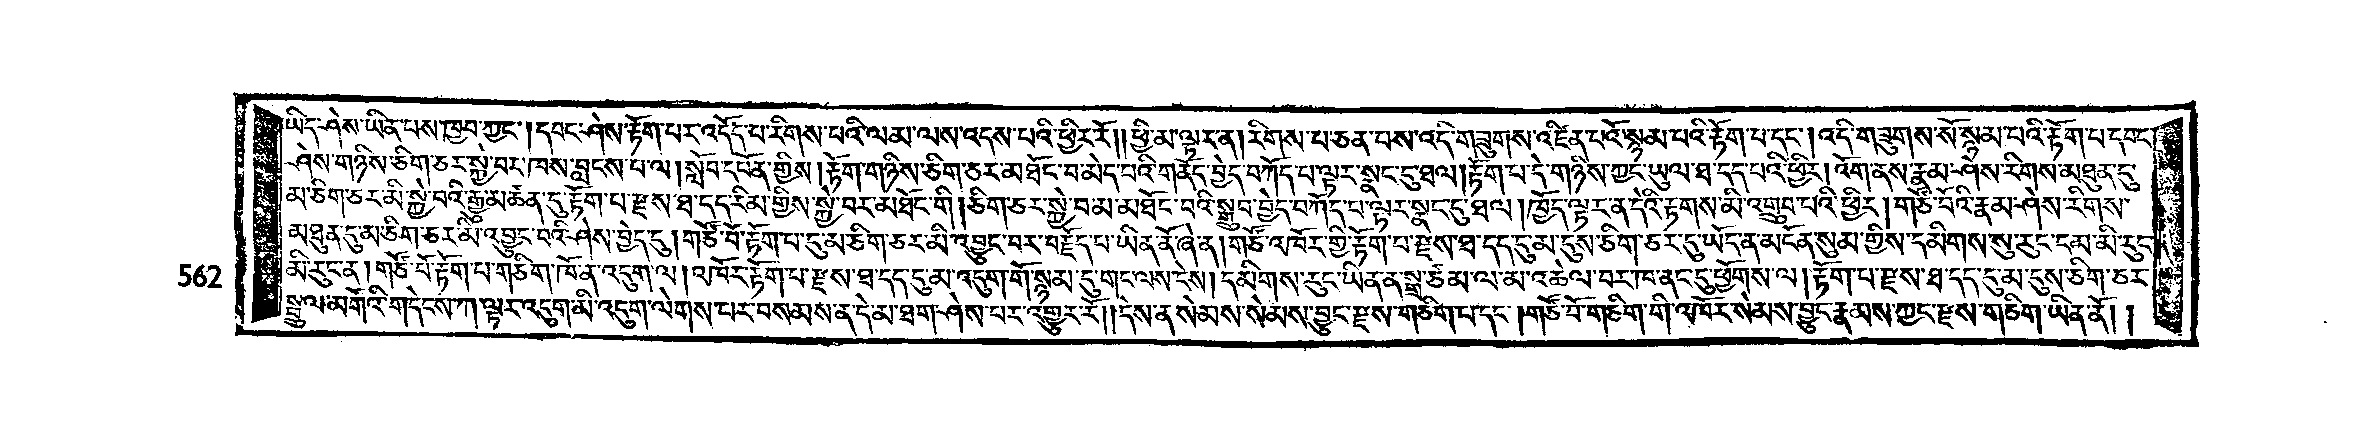ཡིད་ཤེས་ཡིན་པས་ཁྱབ་ཀྱང་། དབང་ཤེས་རྟོག་པར་འདོད་པ་རིགས་པའི་ལམ་ལས་འདས་པའི་ཕྱིར་རོ། །ཕྱི་མ་ལྟར་ན། རིགས་པ་ཅན་པས་འདི་གཟུགས་འཛིན་པའོ་སྙམ་པའི་རྟོག་པ་དང་། འདི་གཟུགས་སོ་སྙམ་པའི་རྟོག་པ་དབང་
ཤེས་གཉིས་ཅིག་ཅར་སྐྱེ་བར་ཁས་བླངས་པ་ལ། སློབ་དཔོན་གྱིས། རྟོག་གཉིས་ཅིག་ཅར་མཐོང་བ་མེད་པའི་གནོད་བྱེད་བཀོད་པ་ལྟར་སྣང་དུ་ཐལ། རྟོག་པ་དེ་གཉིས་ཀྱང་ཡུལ་ཐ་དད་པའི་ཕྱིར། འོག་ནས་རྣམ་ཤེས་རིགས་མཐུན་དུ་
མ་ཅིག་ཅར་མི་སྐྱེ་བའི་རྒྱུ་མཚན་དུ་རྟོག་པ་རྫས་ཐ་དད་རིམ་གྱིས་སྐྱེ་བར་མཐོང་གི། ཅིག་ཅར་སྐྱེ་བ་མ་མཐོང་བའི་སྒྲུབ་བྱེད་བཀོད་པ་ལྟར་སྣང་དུ་ཐལ་།ཁྱོད་ལྟར་ན་དེའི་རྟགས་མི་འགྲུབ་པའི་ཕྱིར། གཙོ་བོའི་རྣམ་ཤེས་རིགས་
མཐུན་དུ་མ་ཅིག་ཅར་མི་འབྱུང་བའི་ཤེས་བྱེད་དུ། གཙོ་བོ་རྟོག་པ་དུ་མ་ཅིག་ཅར་མི་འབྱུང་བར་བརྗོད་པ་ཡིན་ནོ་ཞེ་ན། གཙོ་འཁོར་གྱི་རྟོག་པ་རྫས་ཐ་དད་དུ་མ་དུས་ཅིག་ཅར་དུ་ཡོད་ན་མངོན་སུམ་གྱིས་དམིགས་སུ་རུང་དམ་མི་རུང་
མི་རུང་ན། གཙོ་བོ་རྟོག་པ་གཅིག་ཁོ་ན་འདུག་ལ། འཁོར་རྟོག་པ་རྫས་ཐ་དད་དུ་མ་འདུག་གོ་སྙམ་དུ་གང་ལས་ངེས། དམིགས་རུང་ཡིན་ན་སྒྲ་ཙམ་ལ་མ་འཆེལ་བར་ཁ་ནང་དུ་ཕྱོགས་ལ། རྟོག་པ་རྫས་ཐ་དད་དུ་མ་དུས་ཅིག་ཅར་
སྦྲུལ་མགོའི་གདེངས་ཀ་ལྟར་འདུག་མི་འདུག་ལེགས་པར་བསམས་ན་དེ་མ་ཐག་ཤེས་པར་འགྱུར་རོ། །དེས་ན་སེམས་སེམས་བྱུང་རྫས་གཅིག་པ་དང་།གཙོ་བོ་གཅིག་གི་འཁོར་སེམས་བྱུང་རྣམས་ཀྱང་རྫས་གཅིག་ཡིན་ནོ།